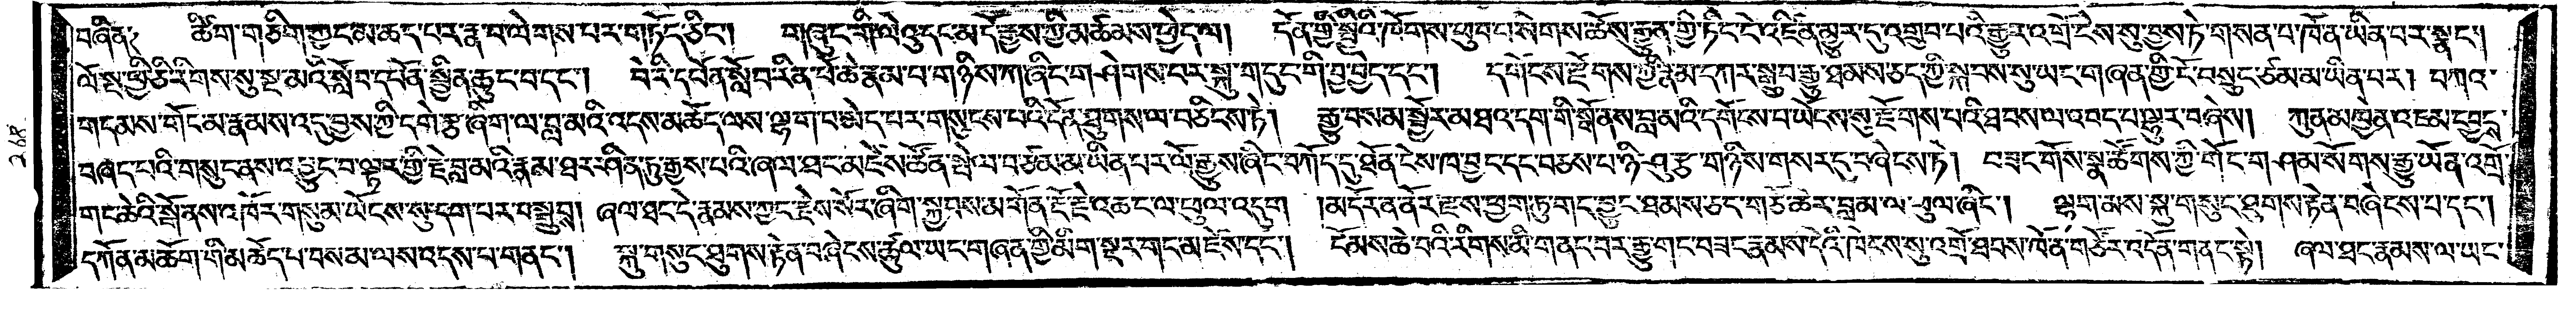བཞིན༑ ཚིག་གཅིག་ཀྱང་མཆད་པར་རྣ་བ་ལེགས་བར་གཏོད་ཅིང་། གཞུང་གི་ལེའུ་དང་མདོ་རྒྱས་ཀྱི་མཚམས་ཕྱེད་ལ། དོན་གྱི་སྤྱིའི་ཁོགས་ཕུབ་པ་སོགས་ཆོས་རྒྱུན་གྱི་ཏིང་ངེ་འཛིན་མྱུར་དུ་འགྲུབ་པའི་རྒྱུར་འགྲོ་ངེས་སུ་བྱས་ཏེ་གསན་པ་ཁོ་ན་ཡིན་བར་སྣང་།
ལོ་སྔ་ཕྱི་ཅི་རིགས་སུ་སྔ་མའི་སློབ་དཔོན་སྦྱིན་ཆུང་བ་དང་། བེ་རི་དབོན་སློབ་རིན་པོ་ཆེ་རྣམ་པ་གཉིས་ཀ་ཞིང་གཤེགས་པར་སྐུ་གདུང་གི་བྱ་བྱེད་དང་། དགོངས་རྫོགས་ཀྱི་རྣམ་དཀར་སྒྲུབ་རྒྱུ་ཐམས་ཅད་ཀྱི་སྐབས་སུ་ཡང་གཞན་གྱི་ངོ་བསྲུང་ཙམ་མ་ཡིན་པར། བཀའ་
གདམས་གོང་མ་རྣམས་འདུ་བྱས་ཀྱི་དགེ་རྩ་ཞིག་ལ་བླ་མའི་འདས་མཆོད་ལས་ལྷག་པ་མེད་པར་གསུངས་པའི་དོན་ཐུགས་ལ་བཅིངས་ཏེ། རྒྱུ་བསམ་སྦྱོར་མཐའ་དག་གི་སྒོ་ནས་བླ་མའི་དགོངས་བ་ཡོངས་སུ་རྫོགས་པའི་ཐབས་ལ་འབད་བ་ལྷུར་བཞེས། ཀུན་མཁྱེན་འཇམ་དབྱངས་
བཞད་པའི་གསུང་ནས་འབྱུང་བ་ལྟར་གྱི་རྗེ་བླ་མའི་རྣམ་ཐར་ཤིན་ཏུ་རྒྱས་པའི་ཞལ་ཐང་མཛེས་ཚོན་སྤེལ་བ་ཙམ་མ་ཡིན་པ་ལོ་རྒྱུས་ཞིང་བཀོད་དུ་ཐོན་ངེས་ཁ་བྱང་དང་བཅས་པ་ཉི་ཤུ་རྩ་གཉིས་གསར་དུ་བཞེངས་ཏེ། བཟང་གོས་སྣ་ཚོགས་ཀྱི་གོང་གཤམ་སོགས་རྒྱུ་ཡོན་འགྲོ་
གང་ཆེའི་སྒོ་ནས་འཁོར་གསུམ་ཡོངས་སུ་དག་པར་བསྒྲུབ། ཞལ་ཐང་དེ་རྣམས་ཀྱང་རྗེས་སོར་ཞིག་སྐྱབས་མགོན་རྡོ་རྗེ་འཆང་ལ་ཕུལ་འདུག །མདོར་ན་ནོར་རྫས་ཕྱག་ཏུ་གང་བྱུང་ཐམས་ཅད་གཙོ་ཆེར་བླ་མ་ལ་ཕུལ་ཞིང་། ལྷག་མས་སྐུ་གསུང་ཐུགས་རྟེན་བཞེངས་པ་དང་།
དཀོན་མཆོག་གི་མཆོད་པ་བསམ་ལས་འདས་པ་གནང་། སྐུ་གསུང་ཐུགས་རྟེན་བཞེངས་ཚུལ་ཡང་གཞན་གྱི་མིག་སྔར་གང་མཛེས་དང་། ངོམས་ཆེ་བའི་རིགས་མི་གནང་བར་རྒྱུ་གང་བཟང་རྣམས་དེའི་ཁེངས་སུ་འགྲོ་ཐབས་ཁོ་ན་གཙོར་འདོན་གནང་སྟེ། ཞལ་ཐང་རྣམས་ལ་ཡང་